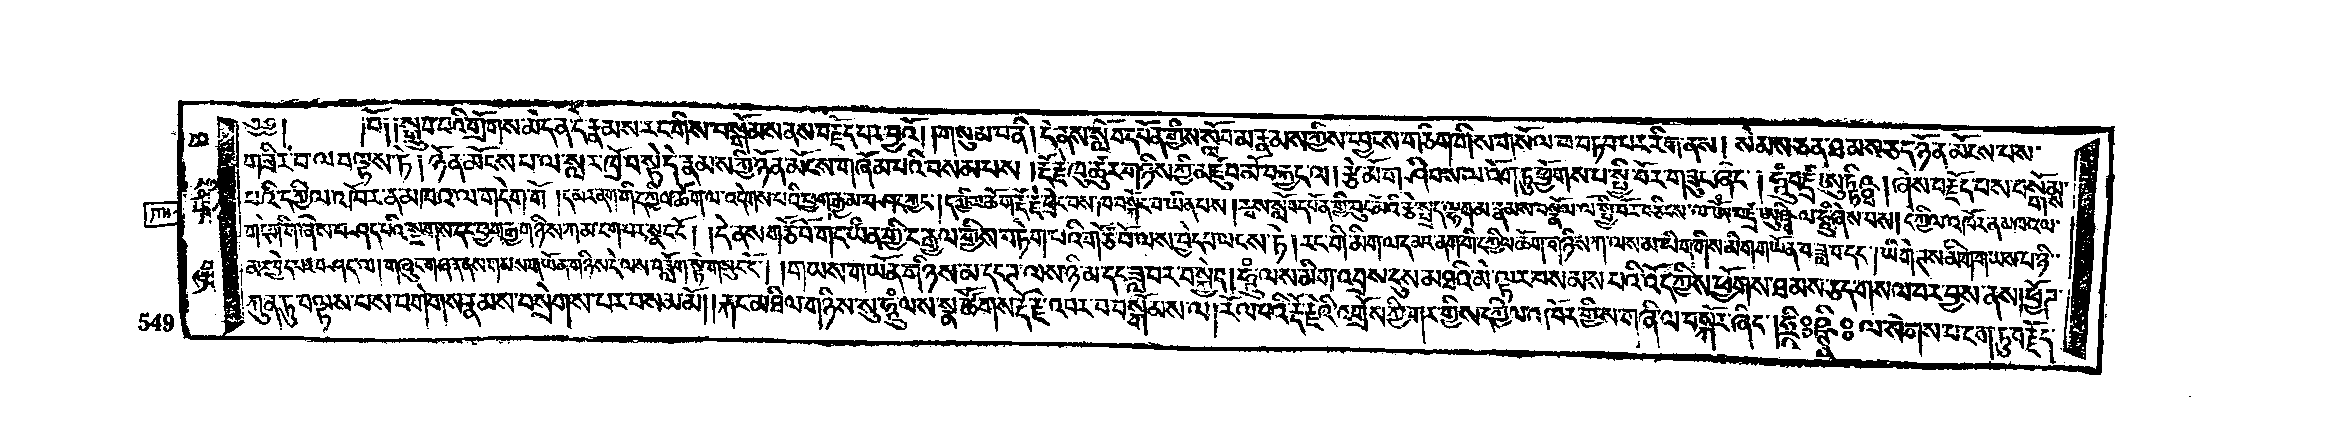༄༅། །བོ། །སྒྲུབ་པའི་གྲོགས་མེད་ན་དེ་རྣམས་རང་གིས་བསྒོམས་ནས་བརྗོད་པར་བྱའོ། །གསུམ་པ་ནི། དེ་ནས་སློབ་དཔོན་གྱིས་སློབ་མ་རྣམས་ཀྱིས་དབྱངས་གཅིག་གིས་གསོལ་བ་བཏབ་པར་རིག་ནས། སེམས་ཅན་ཐམས་ཅད་ཉོན་མོངས་པས་
གཟིར་བ་ལ་བལྟས་ཏེ། ཉོན་མོངས་པ་ལ་སླར་ཁྲོ་བ་སྟེ་དེ་རྣམས་ཀྱི་ཉོན་མོངས་གཞོམ་པའི་བསམ་པས། རྡོ་རྗེ་ཁུ་ཚུར་གཉིས་ཀྱི་མཛུབ་མོ་བརྐྱང་ལ། རྩེ་མོ་གཤིབས་ལ་འོག་ཏུ་ཕྱོགས་པ་སྤྱི་བོར་གཟུང་ཞིང་། ཧཱུཾ་བཛྲ་ཨུཏྟིཥྠ། ཞེས་བརྗོད་པས་བསྒོམས་
པའི་དཀྱིལ་འཁོར་ནམ་མཁའ་ལ་གདེག་གོ །དམར་ནག་གི་དཀྱིལ་ཆོ་ག་ལ་འདེགས་པའི་ཕྱག་རྒྱ་མ་བཤད་ཀྱང་། དཀྱིལ་ཆོག་རྡོ་རྗེ་ཕྲེང་བས་ཁ་བསྐོང་བ་ཡིན་པས། རྭས་སློབ་དཔོན་གྱི་བུང་མོའི་རྩེ་སྤྲད་ལྷག་མ་རྣམས་བསྣོལ་ལ་སྤྱི་བོར་བཅིངས་ལ་ཨོཾ་བཛྲ་ཨུཥྚི་ལ་ཧཱུཾ་ཞེས་པས། དཀྱིལ་འཁོར་ནམ་མཁའ་ལ་
གདེག་གི་ཞེས་བཤད་པའི་སྔགས་དང་ཕྱག་རྒྱ་གཉིས་ཀ་མ་ངག་པར་སྣང་ངོ། །དེ་ནས་གཙོ་བོ་གང་ཡིན་གྱི་ང་རྒྱལ་གྱིས་བཏེག་པའི་གཙོ་བོ་ལས་བྱེད་པ་ལངས་ཏེ། རང་གི་མིག་ལ་དམར་ནག་གི་དཀྱིལ་ཆོག་གཉིས་ཀ་ལས་མ་ཡིག་གིས་མིག་གཡོན་བ་ཟླ་བ་དང་། ཡི་གེ་ཊས་མིག་གཡས་པ་ཉི་
མར་བྱེད་པར་བཤད་ལ། གཟུང་གཞན་ནས་གཡས་གཡོན་གཉིས་དེ་ལས་བཟློག་སྟེ་གསུང་ངོ། །གཡས་གཡོན་གཉིས་མ་དང་ཊ་ལས་ཉི་མ་དང་ཟླ་བར་བསྐྱེད། ཧཱུཾ་ལས་མིག་འབྲས་དུས་མཐའི་མེ་ལྟར་བསམས་པའི་འོད་ཀྱིས་ཕྱོགས་ཐམས་ཅད་གསལ་བར་བྱས་ནས། ཕྱོགས་
ཀུན་ཏུ་བལྟས་པས་བགེགས་རྣམས་བསྲེགས་པར་བསམ་མོ། །རྐང་མཐིལ་གཉིས་སུ་ཧཱུཾ་ལས་སྣ་ཚོགས་རྡོ་རྗེ་འབར་བ་བསྒོམས་ལ། རོལ་པའི་རྡོ་རྗེའི་འགྲོས་ཀྱི་གར་གྱིས་དཀྱིལ་འཁོར་གྱི་ས་གཞི་ལ་བསྐོར་ཞིང་། ཧྲཱིཿ ཥྚཱིཿ ལ་སོགས་པ་ངག་ཏུ་བརྗོད་